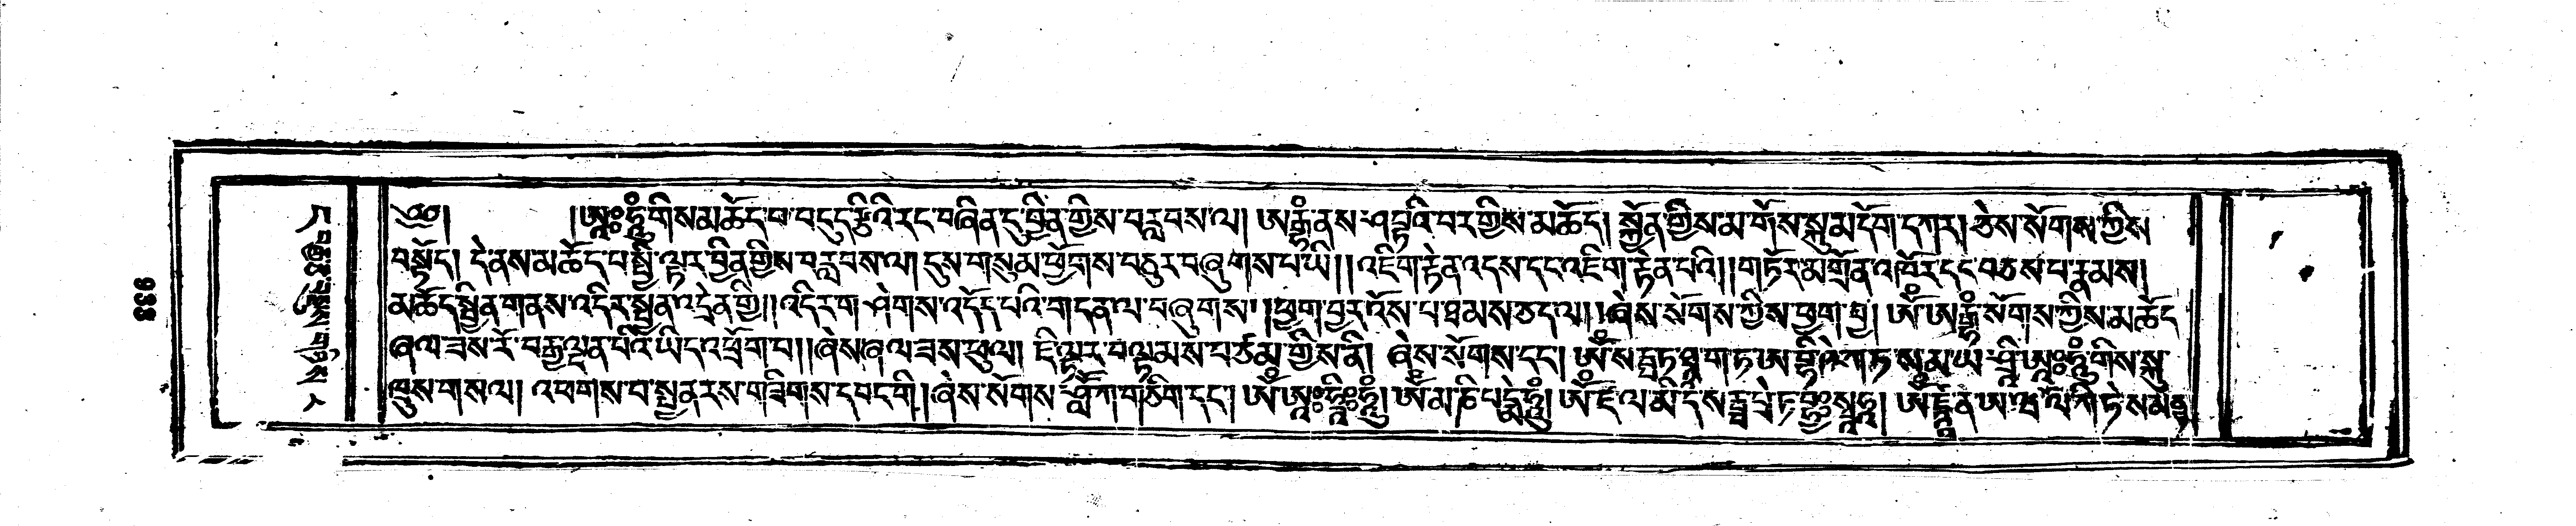༄༅། །ཨཱཿ ཧཱུཾ་གིས་མཆོད་པ་བདུད་རྩིའི་རང་བཞིན་དུ་བྱིན་གྱིས་བརླབས་ལ། ཨརྒྷཾ་ནས་ཤཔྟའི་བར་གྱིས་མཆོད། སྐྱོན་གྱིས་མ་གོས་སྐུ་མདོག་དཀར། ཅེས་སོགས་ཀྱིས་
བསྟོད། དེ་ནས་མཆོད་པ་སྤྱི་ལྟར་བྱིན་གྱིས་བརླབས་ལ། དུས་གསུམ་ཕྱོགས་བཅུར་བཞུགས་པ་ཡི། །འཇིག་རྟེན་འདས་དང་འཇིག་རྟེན་པའི། །གཏོར་མགྲོན་འཁོར་དང་བཅས་པ་རྣམས།
མཆོད་སྦྱིན་གནས་འདིར་སྤྱན་འདྲེན་གྱི། །འདིར་གཤེགས་འདོད་པའི་གདན་ལ་བཞུགས། །ཕྱག་བྱར་འོས་པ་ཐམས་ཅད་ལ། །ཞེས་སོགས་ཀྱིས་ཕྱག་བྱ། ཨོཾ་ཨརྒྷཾ་སོགས་ཀྱིས་མཆོད།
ཞལ་ཟས་རོ་བརྒྱ་ལྡན་པའི་ཡིད་འཕྲོག་པ། །ཞེས་ཞལ་ཟས་ཕུལ། ཇི་ལྟར་བལྟམས་པ་ཙམ་གྱིས་ནི། ཞེས་སོགས་དང་། ཨོཾ་སརྦྦ་ཏ་ཐཱ་ག་ཏ་ཨ་བྷི་ཥེ་ཀ་ཏ་ས་མ་ཡ་ཤྲཱི་ཨཱཿ ཧཱུཾ་གིས་སྐུ་
ཁྲུས་གསོལ། འཕགས་པ་སྤྱན་རས་གཟིགས་དབང་གི །ཞེས་སོགས་ཤླཽ་ཀ་གཅིག་དང་། ཨོཾ་ཨཱཿ ཧྲཱིཿ ཧཱུཾ། ཨོཾ་མ་ཎི་པདམེ་ཧཱུཾ། ཨོཾ་ཛ་ལ་མི་དཾ་སརྦྦ་པྲེ་ཏ་བྷྱཿ སྭཱཧཱ། ཨོཾ་ཛྙཱན་ཨ་ཝ་ལོ་ཀི་ཏེ་སམནྟ་